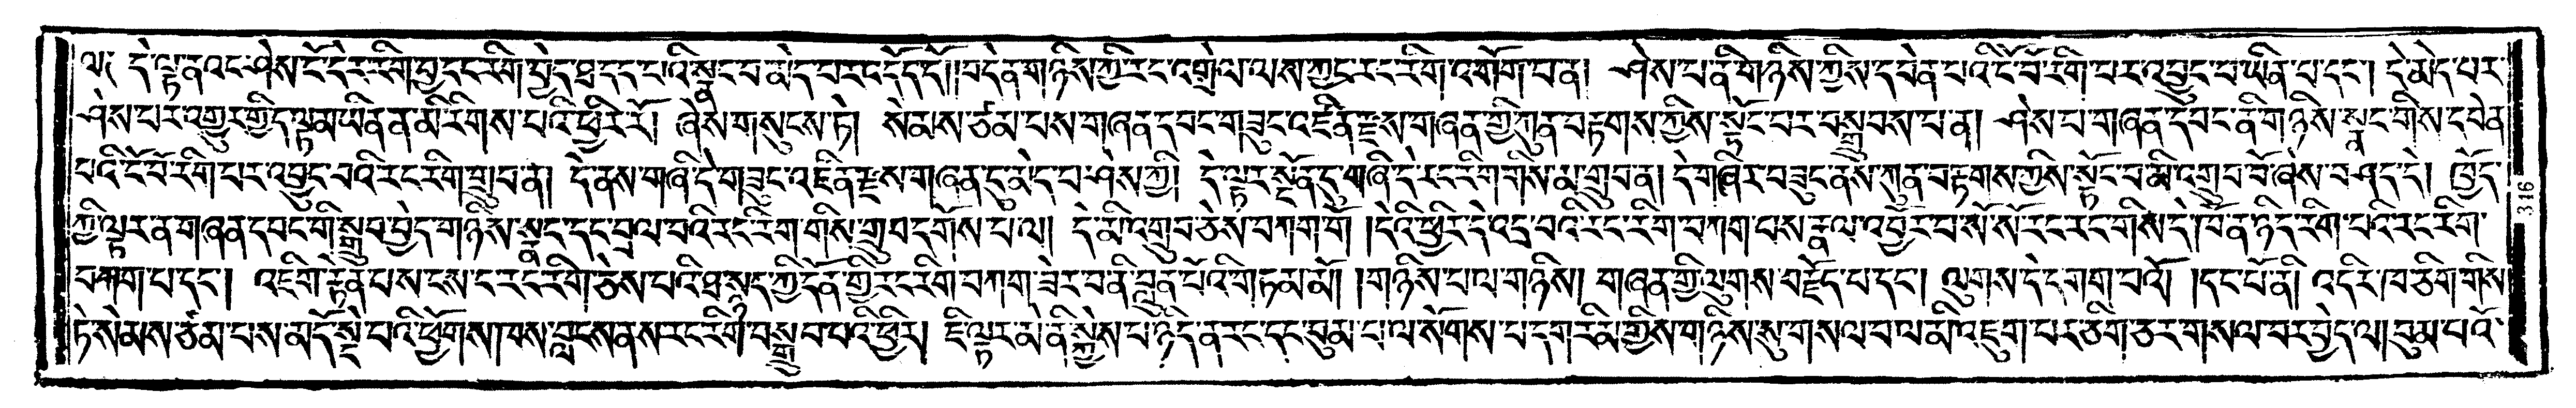ལ༑ དེ་ལྟ་ནའང་ཤེས་ངོ་དེར་རིག་བྱ་དང་རིག་བྱེད་ཐ་དད་པའི་སྣང་བ་མེད་པར་འདོད་དོ། །བདེན་གཉིས་ཀྱི་རང་འགྲེལ་ལས་ཀྱང་རང་རིག་འགོག་པ་ན། ཤེས་པ་ནི་གཉིས་ཀྱིས་དབེན་པའི་ངོ་བོ་རིག་པར་འབྱུང་བ་ཡིན་པ་དང་། དེ་མེད་པར་
ཤེས་པར་འགྱུར་གྱི་དེ་ལྟ་མ་ཡིན་ན་མི་རིགས་པའི་ཕྱིར་རོ། ཞེས་གསུངས་ཏེ། སེམས་ཙམ་པས་གཞན་དབང་གཟུང་འཛིན་རྫས་གཞན་གྱི་ཀུན་བརྟགས་ཀྱིས་སྟོང་པར་བསྒྲུབས་པ་ན། ཤེས་པ་གཞན་དབང་ནི་གཉིས་སྣང་གིས་དབེན་
པའི་ངོ་བོ་རིག་པར་འབྱུང་བའི་རང་རིག་གྲུབ་ན། དེ་ནས་གཞི་དེ་གཟུང་འཛིན་རྫས་གཞན་དུ་མེད་པ་ཤེས་ཀྱི། དེ་ལྟར་སྔོན་དུ་གཞི་དེ་རང་རིག་གིས་མ་གྲུབ་ན། དེ་གཞིར་བཟུང་ནས་ཀུན་བརྟགས་ཀྱིས་སྟོང་པ་མི་འགྲུབ་བོ་ཞེས་བཤད་དེ། ཁྱོད་
ཀྱི་ལྟར་ན་གཞན་དབང་གི་སྒྲུབ་བྱེད་གཉིས་སྣང་དང་བྲལ་བའི་རང་རིག་གིས་གྲུབ་དགོས་པ་ལ། དེ་མི་འགྲུབ་ཅེས་བཀག་གོ །དེའི་ཕྱིར་དེ་འདྲ་བའི་རང་རིག་བཀག་པས་རྣལ་འབྱོར་བ་སོ་སོ་རང་རང་གིས་དེ་ཁོ་ན་ཉིད་རིག་པའི་རང་རིག་
བཀག་པ་དང་། འཇིག་རྟེན་པས་ངས་ང་རང་རིག་ཅེས་པའི་ཐ་སྙད་ཀྱི་དོན་གྱི་རང་རིག་བཀག་ཟེར་བ་ནི་བླུན་པོའི་གཏམ་མོ། །གཉིས་པ་ལ་གཉིས། གཞན་གྱི་ལུགས་བརྗོད་པ་དང་། ལུགས་དེ་དགག་པའོ། །དང་པོ་ནི། འདིར་ཁ་ཅིག་གིས་
ཏེ་སེམས་ཙམ་པས་མདོ་སྡེ་པའི་ཕྱོགས་ཁས་བླངས་ནས་རང་རིག་བསྒྲུབ་པའི་ཕྱིར། ཇི་ལྟར་མེ་ནི་སྐྱེས་པ་ཉིད་ན་རང་དང་བུམ་པ་ལ་སོགས་པ་དག་རིམ་གྱིས་གཉིས་སུ་གསལ་བ་ལ་མི་འཇུག་པར་ཅིག་ཅར་གསལ་བར་བྱེད་ལ། བུམ་པའོ་